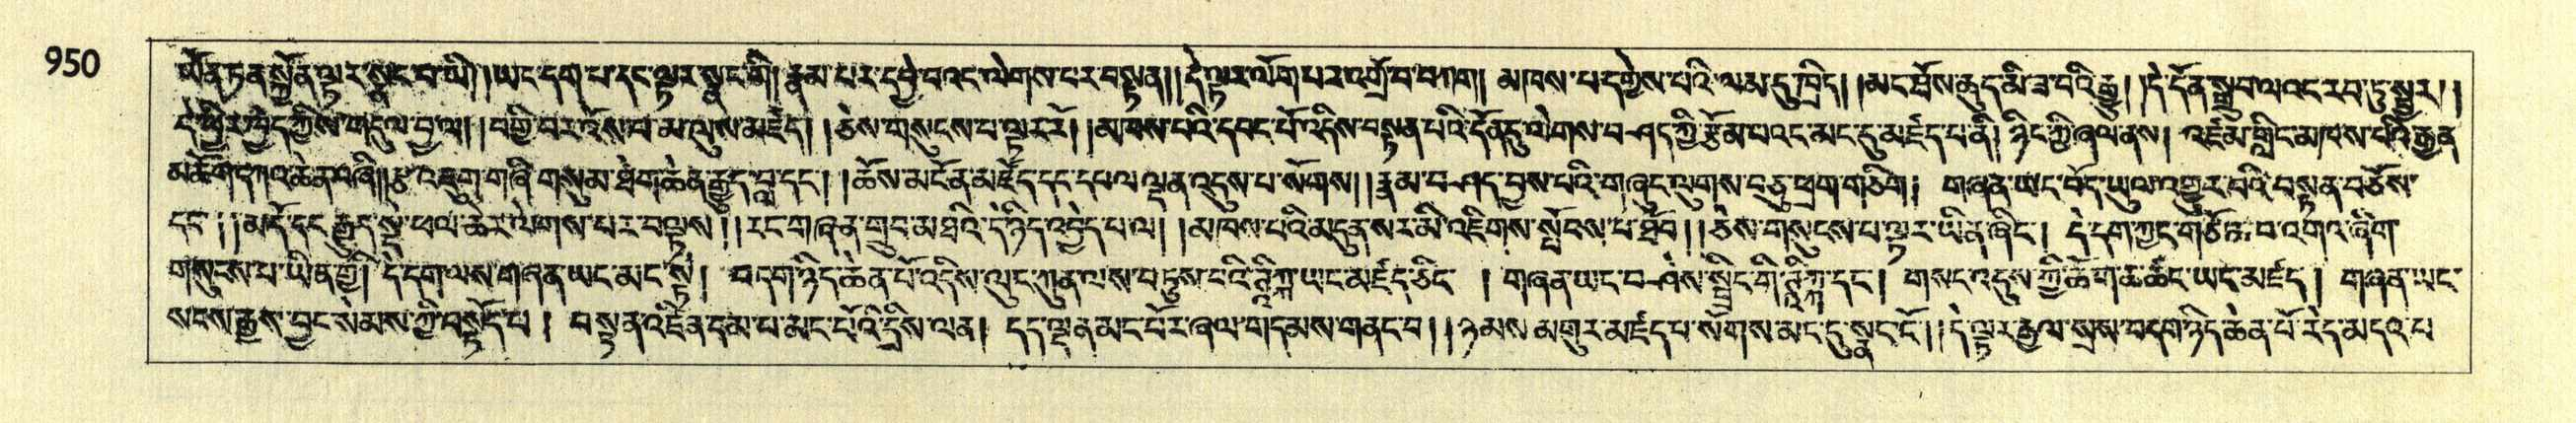ཡོན་ཏན་སྐྱོན་ལྟར་སྣང་བ་ཡི། །ཡང་དག་པ་དང་ལྟར་སྣང་གི། རྣམ་པར་དབྱེ་བའང་ལེགས་པར་བསྟན། །དེ་ལྟར་ལོག་པར་འགྲོ་བ་བཀག། མཁས་པ་དགྱེས་པའི་ལམ་དུ་ཁྲིད། །མང་ཐོས་ཆུད་མི་ཟ་བའི་རྒྱུ། །དེ་དོན་སྒྲུབ་ལའང་རབ་ཏུ་སྦྱར། །
དེ་ཕྱིར་ཁྱེད་ཀྱིས་གདུལ་བྱ་ལ། །བགྱི་བར་འོས་པ་མ་ལུས་མཛད། །ཅེས་གསུངས་པ་ལྟར་རོ། །མཁས་པའི་དབང་པོ་འདིས་བསྟན་པའི་དོན་དུ་ལེགས་བཤད་ཀྱི་རྩོམ་པའང་མང་དུ་མཛད་པ་ནི། ཉིད་ཀྱི་ཞལ་ནས། འཛམ་གླིང་མཁས་པའི་རྒྱན་
མཆོག་དཀའ་ཆེན་བཞི། །རྩ་འཇུག་གཞི་གསུམ་ཐེག་ཆེན་རྒྱུད་བླ་དང་། །ཆོས་མངོན་མཛོད་དང་དཔལ་ལྡན་འདུས་པ་སོགས། །རྣམ་བཤད་བྱས་པའི་གཞུང་ལུགས་བཅུ་ཕྲག་གཅིག། གཞན་ཡང་བོད་ཡུལ་འགྱུར་པའི་བསྟན་བཅོས་
དང༑ ༑མདོ་དང་རྒྱུད་སྡེ་ཕལ་ཆེར་ལེགས་པར་བལྟས། །རང་གཞན་གྲུབ་མཐའི་དེ་ཉིད་འབྱེད་པ་ལ། །མཁས་པའི་མདུན་སར་མི་འཇིགས་སྤོབས་པ་ཐོབ། །ཅེས་གསུངས་པ་ལྟར་ཡིན་ཞིང་། དེ་དག་ཀྱང་གཙོ་ཆ་བ་འགའ་ཞིག་
གསུངས་པ་ཡིན་གྱི། དེ་དག་ལས་གཞན་ཡང་མང་སྟེ། བདག་ཉིད་ཆེན་པོ་འདིས་ལུང་ཀུན་ལས་བཏུས་པའི་ཊཱིཀྐ་ཡང་མཛད་ཅིང་།གཞན་ཡང་བཤེས་སྦྲིང་གི་ཊཱིཀྐ་དང་། གསང་འདུས་ཀྱི་ཆོག་ཆ་ཚང་ཡང་མཛད། གཞན་ཡང་
སངས་རྒྱས་བྱང་སེམས་ཀྱི་བསྟོད་པ། བསྟན་འཛིན་དམ་པ་མང་པོའི་དྲིས་ལན། དད་ལྡན་མང་པོར་ཞལ་གདམས་གནང་བ། །ཉམས་མགུར་མཛད་པ་སོགས་མང་དུ་སྣང་ངོ། །དེ་ལྟར་རྒྱལ་སྲས་བདག་ཉིད་ཆེན་པོ་རེད་མདའ་པ་